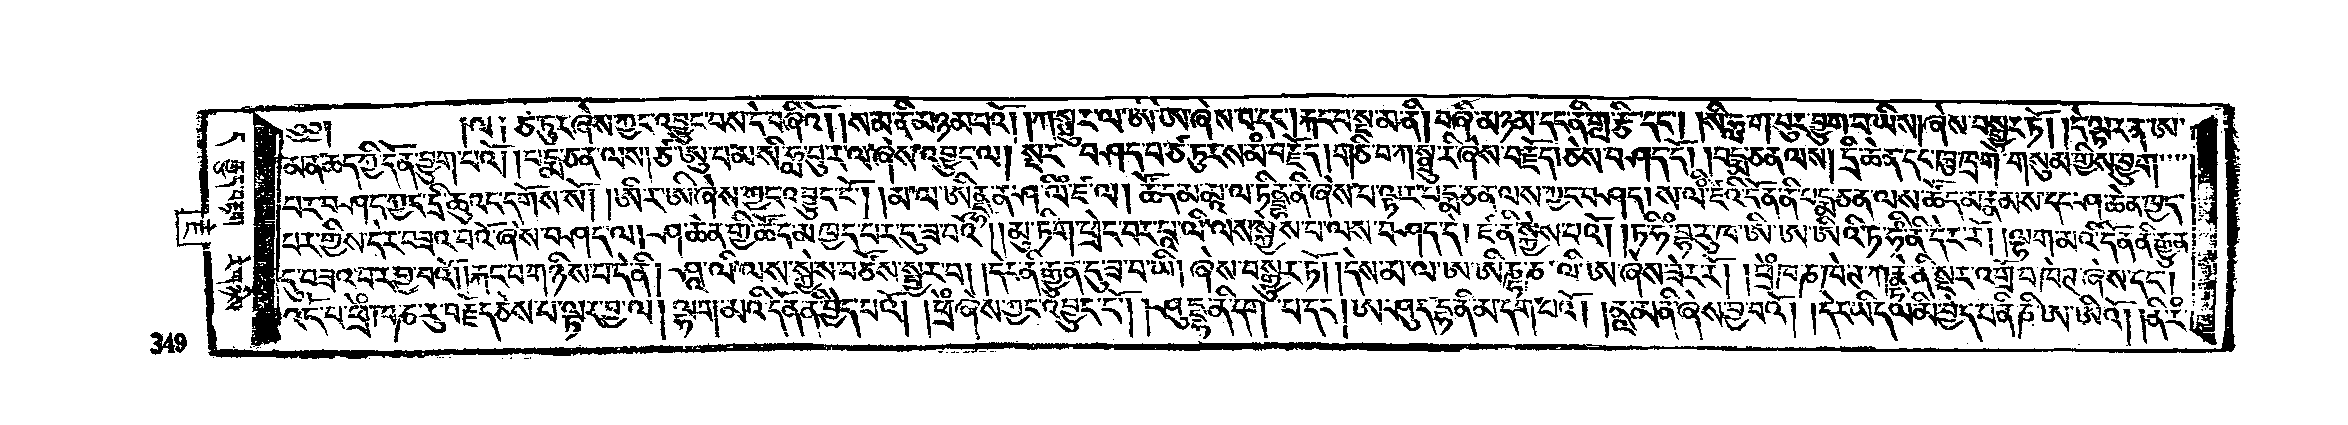༄༅། །ལ། ཙ་ཏུར་ཞེས་ཀྱང་འབྱུང་བས་དེ་བཞིའོ། །ས་མ་ནི་མཉམ་པའོ། །ཀ་སྠུར་ལ་ཨི་ཨ་ཞེས་བ་དང་། རྐང་པ་སྔ་མ་ནི། བཞི་མཉམ་དང་ནི་གླ་རྩི་དང་། །སི་ཧླ་ག་བུར་བྱུག་པ་ཡིས། ཞེས་བསྒྱུར་ཏོ། །དེ་ལྟར་ན་ཨ་
མན་ཆད་ཀྱི་དོན་བྱུག་པའོ། །པདམ་ཅན་ལས། ཙ་ཨུ་པ་མ་སི་ཧླ་བུ་ར་ལ་ཞེས་འབྱུང་ལ། སྔར་བཤད་པ་ཙ་ཏུར་ས་མཾ་བརྗོད། གཅི་བ་ཀ་སྠུ་རི་ཞེས་བརྗོད། ཅེས་བཤད་དོ། །པདམ་ཅན་ལས། དྲི་ཆེན་དང་ཁུ་ཁྲག་གསུམ་གྱིས་བྱུག་
པར་བཤད་ཀྱང་དྲི་ཆུའང་དགོས་སོ། །ཨི་ར་ཨི་ཞེས་ཀྱང་འབྱུང་ངོ། །མ་ལ་ཨིནྡྷ་ན་ཤ་ལིཾ་ཛ་ལ། ཚོད་མ་མཱ་ལ་ཏིནྦྷ་ནི་ཞེས་པ་ལྟར་པདམ་ཅན་ལས་ཀྱང་བཤད། ས་ལཾ་ཛིའི་དོན་ནི་པདམ་ཅན་ལས་ཚོད་མ་རྣམས་དང་ཤ་ཆེན་ཁྱད་
པར་གྱིས་དེར་བཟའ་བའོ་ཞེས་བཤད་ལ། ཤ་ཆེན་གྱི་ཚོད་མ་ཁྱད་པར་དུ་ཟ་བའོ། །མུ་ཏིག་ཕྲེང་བར་པཱ་ལི་ལས་སྐྱེ་ས་པ་ལས་བཤད་དེ། ཛ་ནི་སྐྱེས་པའོ། །ཏ་ཧིཾ་བྷ་རུ་ཁ་ཨི་ཨ་ཨིའི་ཏ་ཧིཾ་ནི་དེར་རོ། །ལྷག་མའི་དོན་ནི་རྒྱུན་
དུ་བཟའ་བར་བྱ་བའོ། །རྐང་པ་གཉིས་པ་དེ་ནི། ཤཱ་ལི་ལས་སྐྱེས་བཙོས་སྦྱར་བ། །དེར་ནི་རྒྱུན་དུ་ཟ་བ་ཡི། ཞེས་བསྒྱུར་ཏོ། །དེས་མ་ལ་ཨ་ཨིཎྷ་ཎ་ལི་ཨ་ཞེས་ཟེར་རོ། །ཕྲེཾ་ཁ་ཎ་ཁེ་ཊ་ཀརྣྟེ་ནི་སྔར་འགྲོ་བ་ཁེཊ་ཞེས་དང་།
འོད་པ་ཕྲེཾ་ཁ་ཎ་རུ་བརྗོད་ཅེས་པ་ལྟར་བྱ་ལ། ལྷག་མའི་དོན་ནི་བྱེད་པའོ། །ཕྲེཾ་ཞེས་ཀྱང་འབྱུང་ངོ། །ཤུདྡྷ་ནི་དག་པ་དང་། ཨ་ཤུད་དྷ་ནི་མ་དག་པའོ། །ནཱ་མ་ནི་ཞེས་བྱ་བའོ། །དེར་ཡིད་ལ་མི་བྱེད་པ་ནི་ཎི་ཨ་ཨིའོ། །ནི་རཾ་